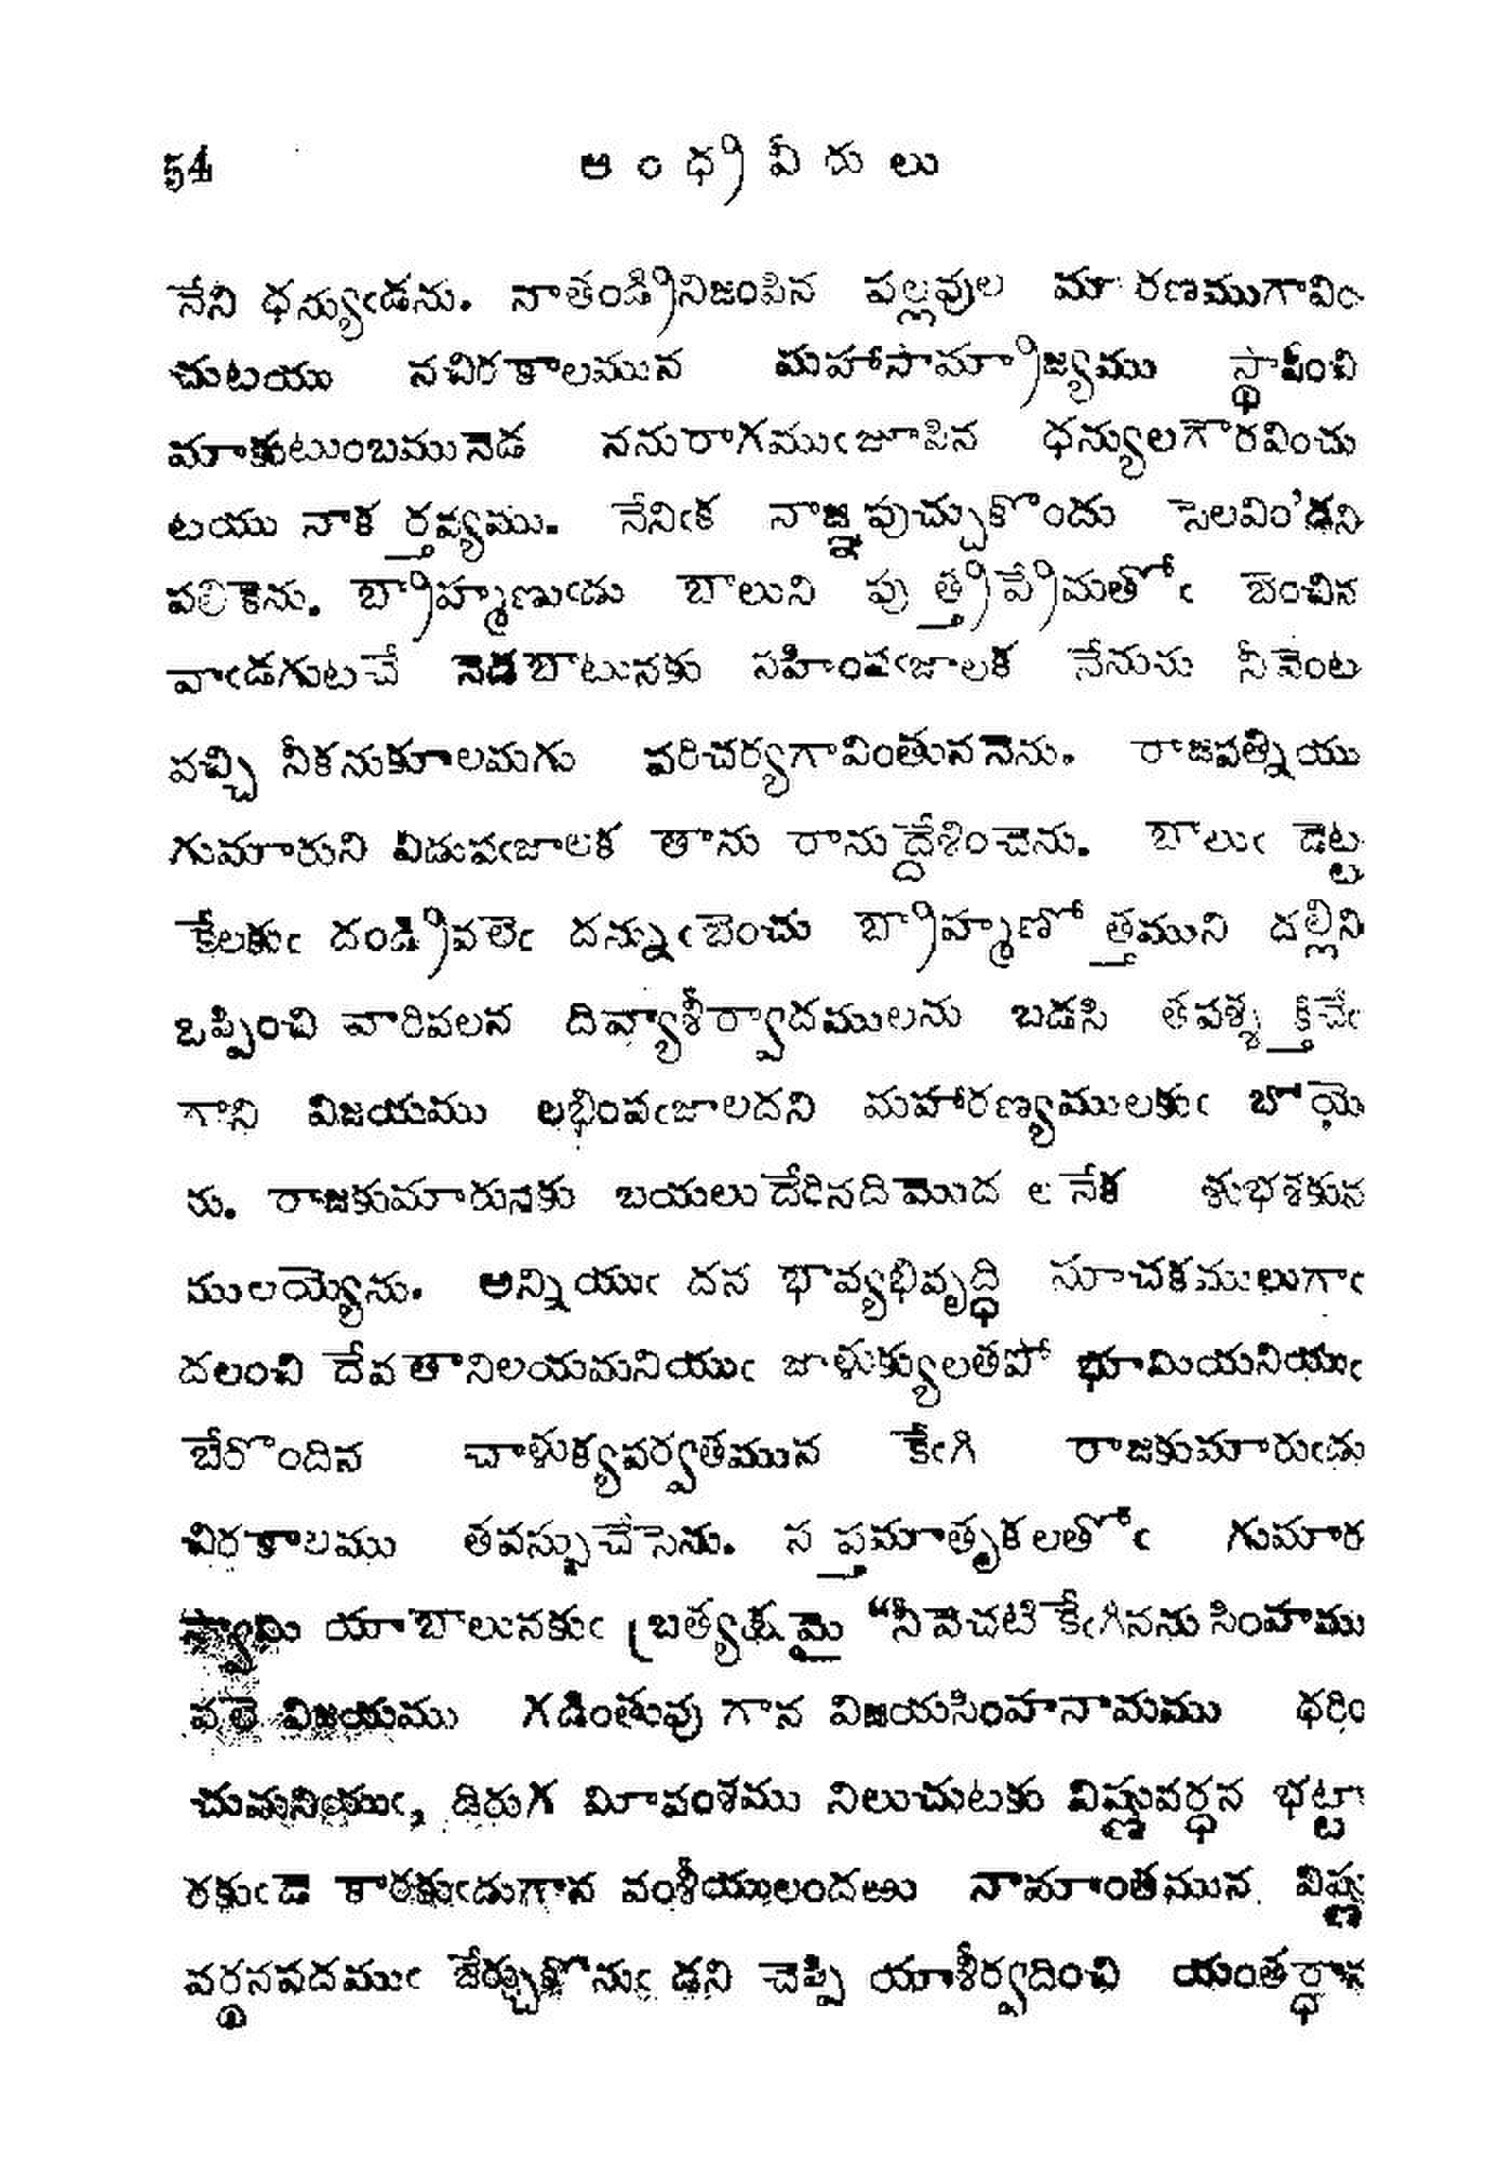నేని ధన్యుడను. నాతండ్రినిజంపిన పల్లవుల మారణముగావించుటయు నచిరకాలమున మహాసామ్రాజ్యము స్థాపించి మాకుటుంబమునెడ ననురాగముజూపిన ధన్యుల గౌరవించుటయు నాకర్తవ్యము. నేనిక నాజ్ఞపుచ్చుకొందు సెలవిం'డని పలికెను. బ్రాహ్మణుడు బాలుని పుత్రప్రేమతో బెంచిన వాడగుటచే నెడబాటునకు సహింపజాలక నేనును నీవెంట వచ్చి నీకనుకూలమగు పరిచర్యగావింతుననెను. రాజపత్నియు గుమారుని విడుపజాలక తాను రానుద్దేశించెను. బాలు డెట్టకేలకు దండ్రివలె దన్నుబెంచు బ్రాహ్మణోత్తముని దల్లిని ఒప్పించి వారివలన దివ్యాశీర్వాదములను బడసి తపశ్శక్తిచే గాని విజయము లభింపజాలదని మహారణ్యములకు బోయెను. రాజకుమారునకు బయలుదేరినదిమొద లనేక శుభశకునములయ్యెను. అన్నియు దన భావ్యాభివృద్ది సూచకములుగా దలంచి దేవతానిలయమనియు జాళుక్యులతపో భూమియనియు బేరొందిన చాళుక్యపర్వతమున కేగి రాజకుమారుడు చిరకాలము తపస్సుచేసెను. సప్తమాతృకలతో గుమారస్వామి యాబాలునకు బ్రత్యక్షమై "నీవెచటికేగినను సింహమువలె విజయము గడింతువు గాన విజయసింహనామము ధరించుమనియు, దిరుగ మీవంశము నిలుచుటకు విష్ణువర్ధన భట్టారకుడె కారకుడుగాన వంశీయులందఱు నామాంతమున విష్ణువర్ధనపదము జేర్చుకొను డని చెప్పి యాశీర్వదించి యంతర్ధాన